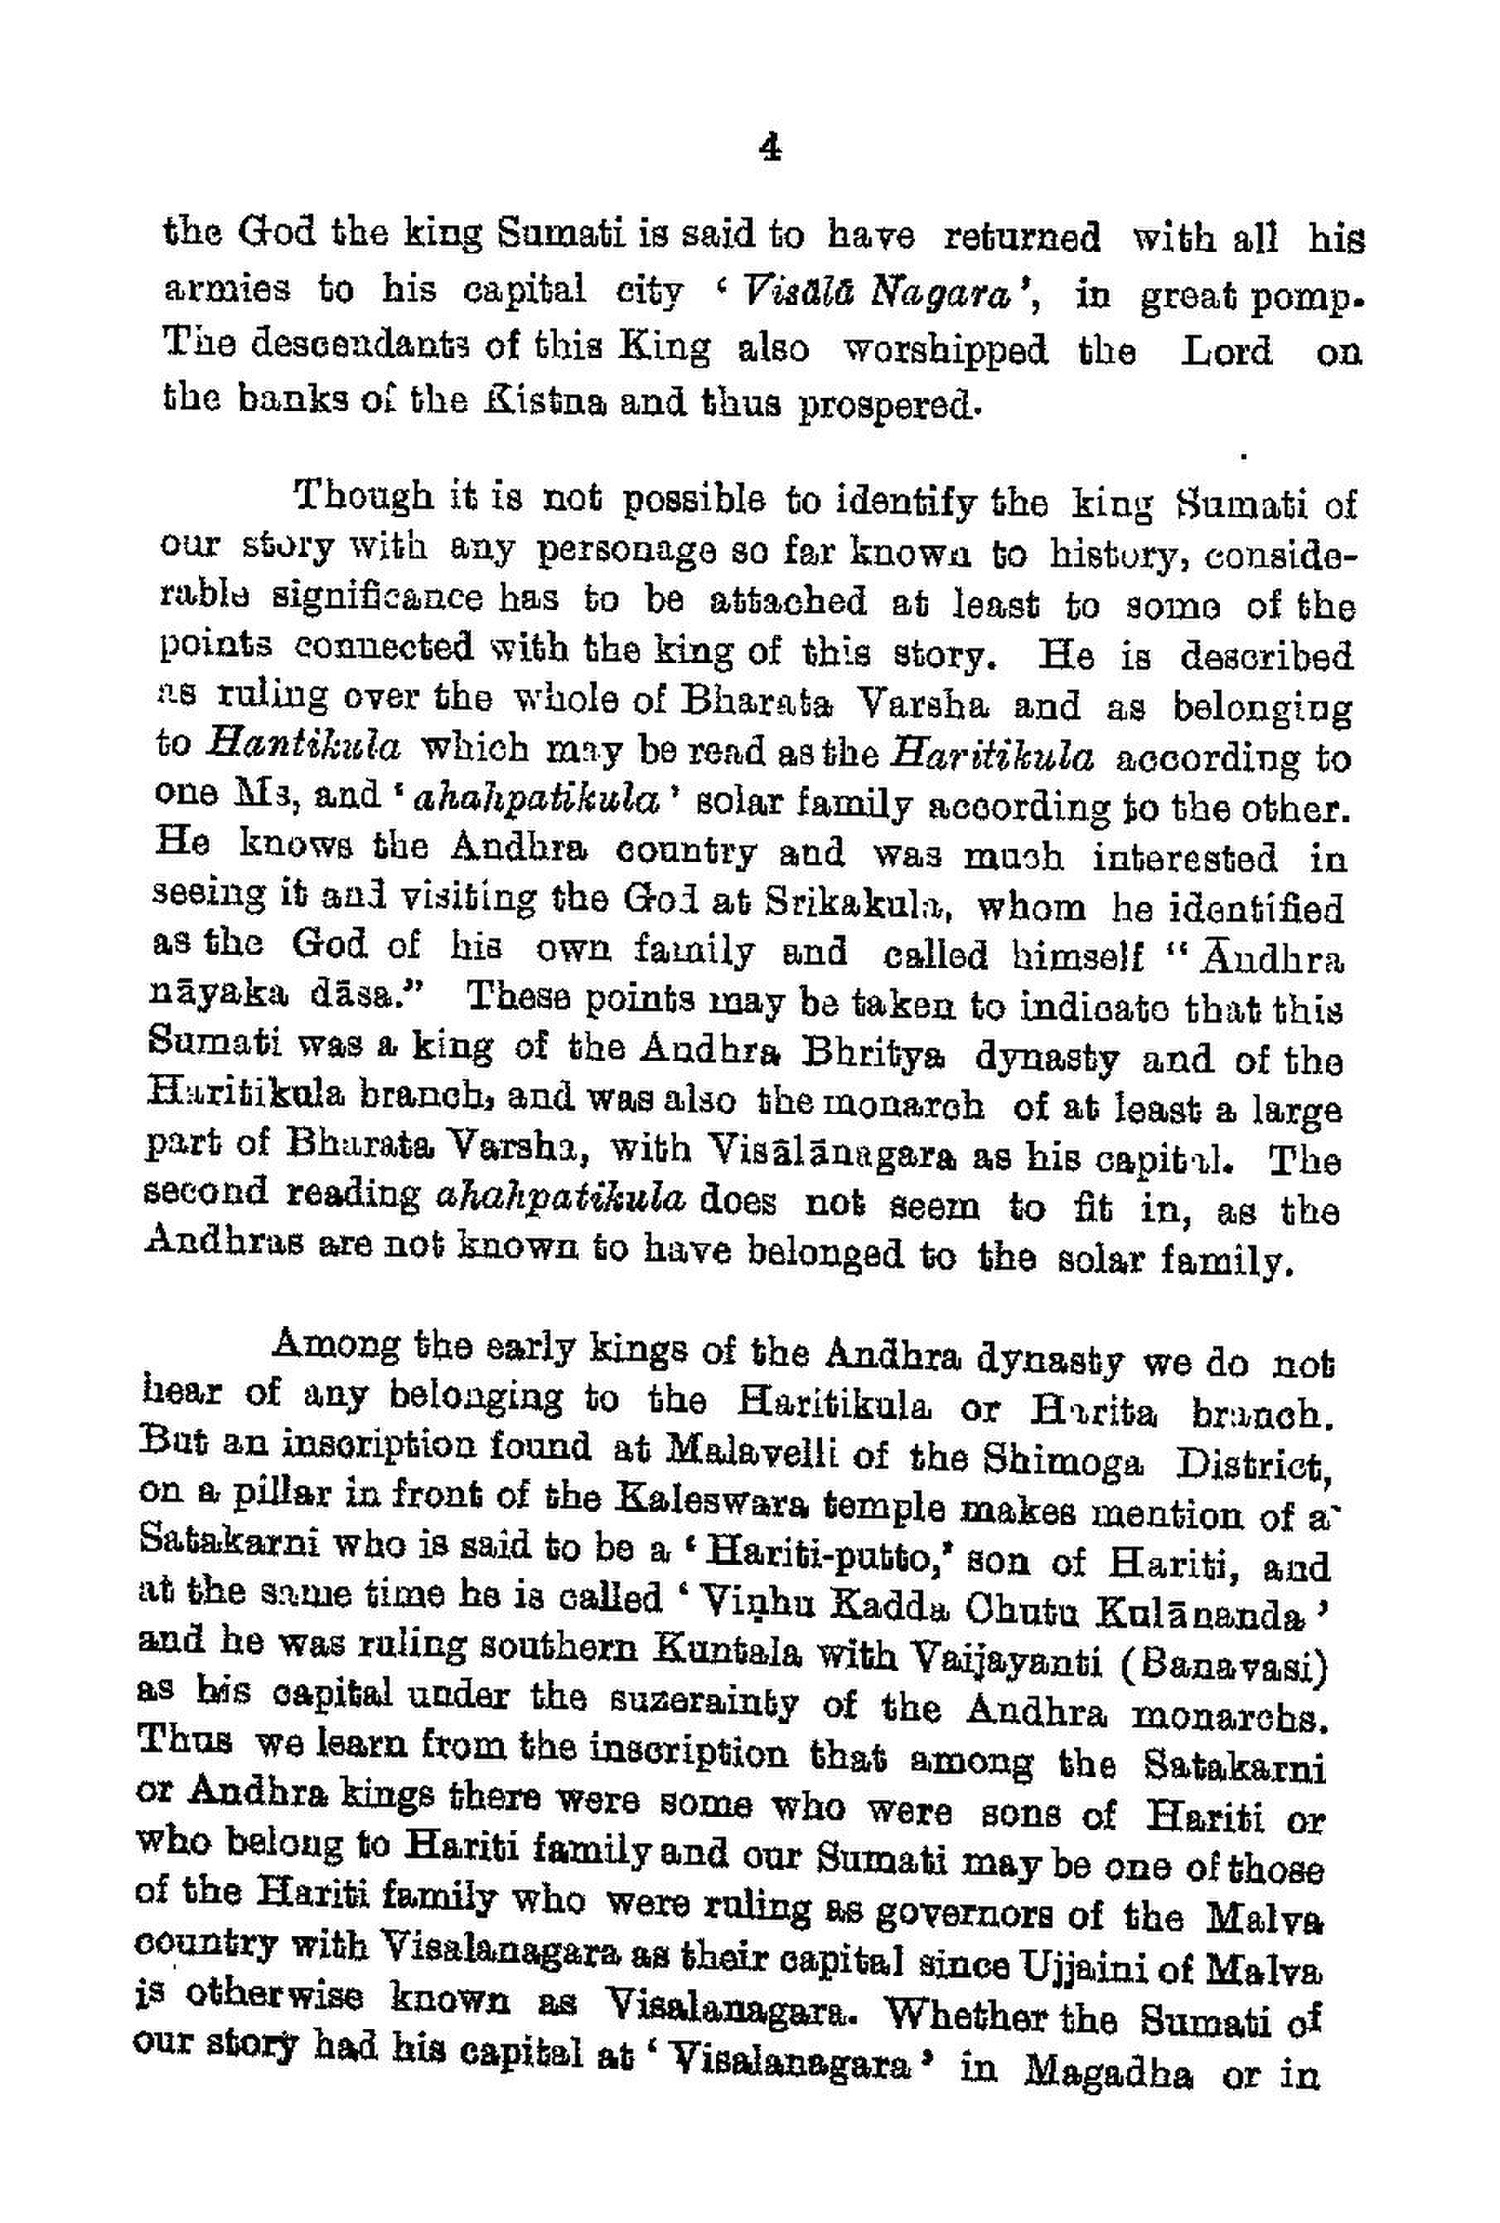the God the king Sumati is said to have returned with all his armies to his capital city Visālā Nagara, in great pomp. The descendants of this King also worshipped the Lord on the banks of the Kistna and thus prospered.

Though it is not possible to identify the king Sumati of our story with any personage so far known to history, considerable significance has to be attached at least to some of the points connected with the king of this story. He is described as ruling over the whole of Bharata Varsha and as belonging to Hantikula which may be read as the Haritikula according to one Ms, and ahahpatikula solar family according to the other. He knows the Andhra country and was much interested in seeing it and visiting the God at Srikakula, whom he identified as the God of his own family and called himself "Andhra nāyaka dāsa." These points may be taken to indicato that this Sumati was a king of the Andhra Bhritya dynasty and of the Huritikula branch, and was also the monarch of at least a large part of Bharata Varsha, with Visālānagara as his capital. The second reading ahahpatikula does not seem to fit in, as the Andhras are not known to have belonged to the solar family.

Among the early kings of the Andhra dynasty we do not hear of any belonging to the Haritikula or Harita branch. But an inscription found at Malavelli of the Shimoga District, on a pillar in front of the Kaleswara temple makes mention of a Satakarni who is said to be a 'Hariti-putto, son of Hariti, and at the same time he is called 'Viņhu Kadda Ohutu Kulānanda' and he was ruling southern Kuntala with Vaijayanti (Banavasi) as his capital under the suzerainty of the Andhra monarchs. Thus we learn from the inscription that among the Satakarni or Andhra kings there were some who were sons of Hariti or who belong to Hariti family and our Sumati may be one of those of the Hariti family who were ruling as governors of the Malva country with Visalanagara as their capital since Ujjaini of Malva is otherwise known as Visalanagara. Whether the Sumati of our story had his capital at 'Visalanagara' in Magadha or in